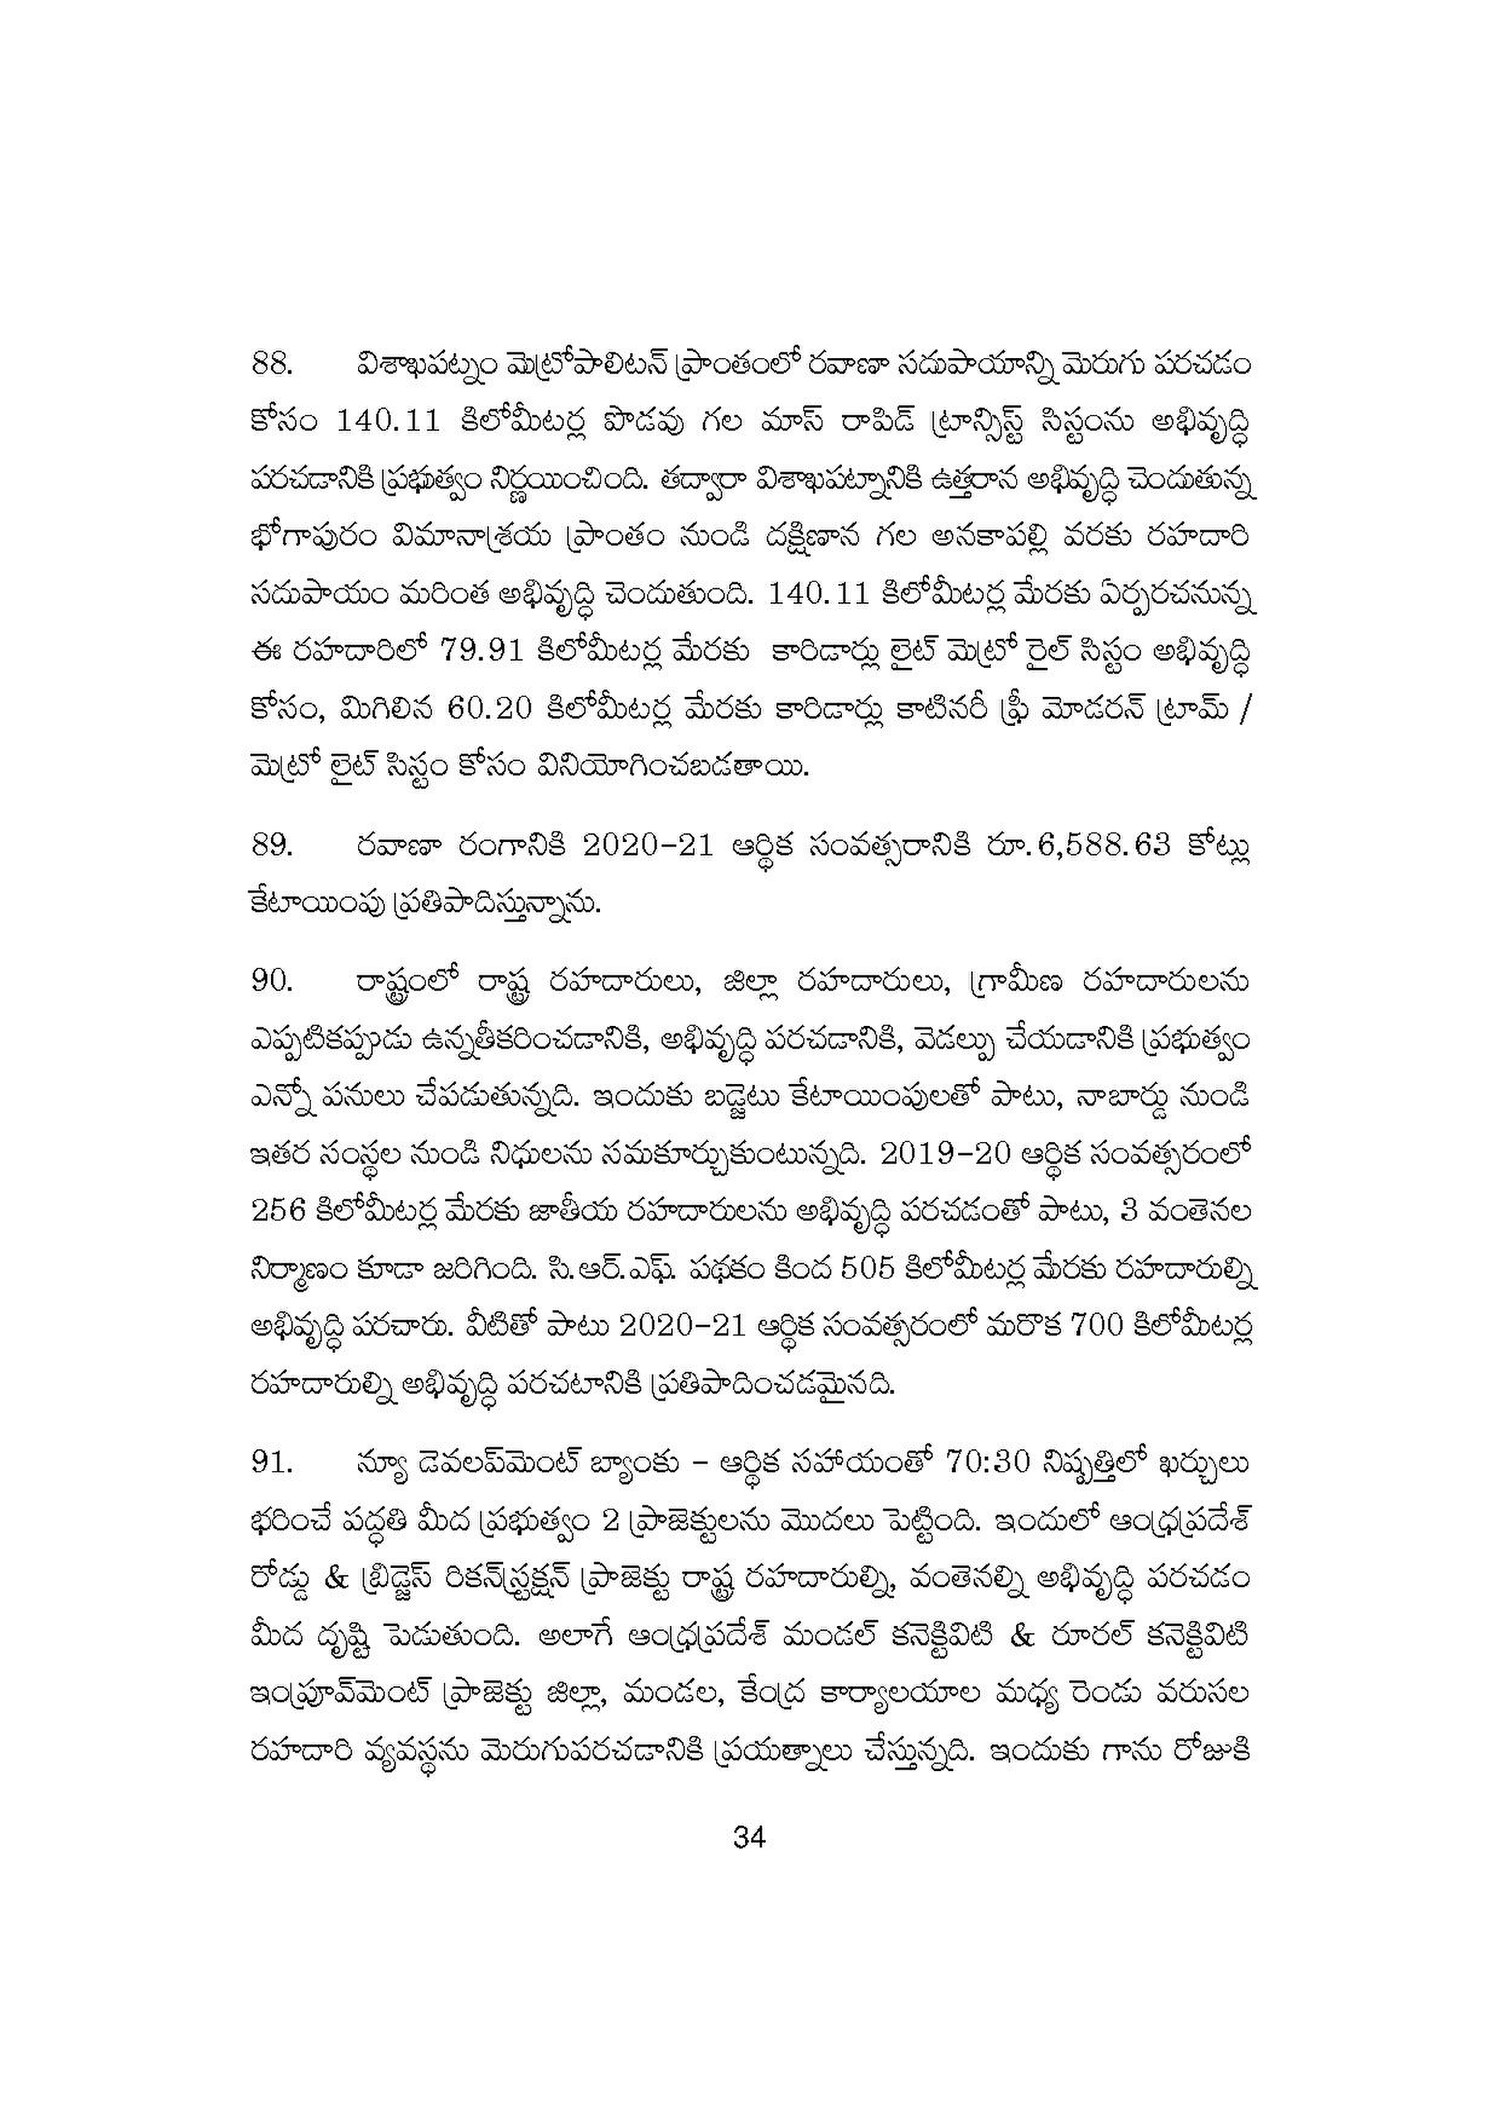88. విశాఖపట్నం మెట్రోపాలిటన్ ప్రాంతంలో రవాణా సదుపాయాన్ని మెరుగు పరచడం కోసం 140.11 కిలోమీటర్ల పొడవు గల మాస్ రాపిడ్ ట్రాన్సిస్ట్ సిస్టంను అభివృద్ధి పరచడానికి ప్రభుత్వం నిర్ణయించింది. తద్వారా విశాఖపట్నానికి ఉత్తరాన అభివృద్ధి చెందుతున్న భోగాపురం విమానాశ్రయ ప్రాంతం నుండి దక్షిణాన గల అనకాపల్లి వరకు రహదారి సదుపాయం మరింత అభివృద్ధి చెందుతుంది. 140.11 కిలోమీటర్ల మేరకు ఏర్పరచనున్న ఈ రహదారిలో 79.91 కిలోమీటర్ల మేరకు కారిడార్లు లైట్ మెట్రో రైల్ సిస్టం అభివృద్ధి కోసం, మిగిలిన 60.20 కిలోమీటర్ల మేరకు కారిడార్లు కాటినరీ ఫ్రీ మోడరన్ ట్రామ్ |
మెట్రో లైట్ సిస్టం కోసం వినియోగించబడతాయి. 

89. రవాణా రంగానికి 2020-21 ఆర్థిక సంవత్సరానికి రూ. 6,588.63 కోట్లు కేటాయింపు ప్రతిపాదిస్తున్నాను. 

90. రాష్ట్రంలో రాష్ట్ర రహదారులు, జిల్లా రహదారులు, గ్రామీణ రహదారులను ఎప్పటికప్పుడు ఉన్నతీకరించడానికి, అభివృద్ధి పరచడానికి, వెడల్పు చేయడానికి ప్రభుత్వం ఎన్నో పనులు చేపడుతున్నది. ఇందుకు బడ్జెటు కేటాయింపులతో పాటు, నాబార్డు నుండి ఇతర సంస్థల నుండి నిధులను సమకూర్చుకుంటున్నది. 2019-20 ఆర్థిక సంవత్సరంలో 256 కిలోమీటర్ల మేరకు జాతీయ రహదారులను అభివృద్ధి పరచడంతో పాటు, 3 వంతెనల నిర్మాణం కూడా జరిగింది. సి.ఆర్.ఎఫ్. పథకం కింద 505 కిలోమీటర్ల మేరకు రహదారుల్ని అభివృద్ధి పరచారు. వీటితో పాటు 2020-21 ఆర్థిక సంవత్సరంలో మరొక 700 కిలోమీటర్ల రహదారుల్ని అభివృద్ధి పరచటానికి ప్రతిపాదించడమైనది. 

91. న్యూ డెవలప్ మెంట్ బ్యాంకు - ఆర్థిక సహాయంతో 70:30 నిష్పత్తిలో ఖర్చులు భరించే పద్ధతి మీద ప్రభుత్వం 2 ప్రాజెక్టులను మొదలు పెట్టింది. ఇందులో ఆంధ్రప్రదేశ్ రోడ్డు & బ్రిడ్జెస్ రికన్స్ట్రక్షన్ ప్రాజెక్టు రాష్ట్ర రహదారుల్ని, వంతెనల్ని అభివృద్ధి పరచడం మీద దృష్టి పెడుతుంది. అలాగే ఆంధ్రప్రదేశ్ మండల్ కనెక్టివిటి & రూరల్ కనెక్టివిటి ఇంప్రూవ్ మెంట్ ప్రాజెక్టు జిల్లా, మండల, కేంద్ర కార్యాలయాల మధ్య రెండు వరుసల రహదారి వ్యవస్థను మెరుగుపరచడానికి ప్రయత్నాలు చేస్తున్నది. ఇందుకు గాను రోజుకి